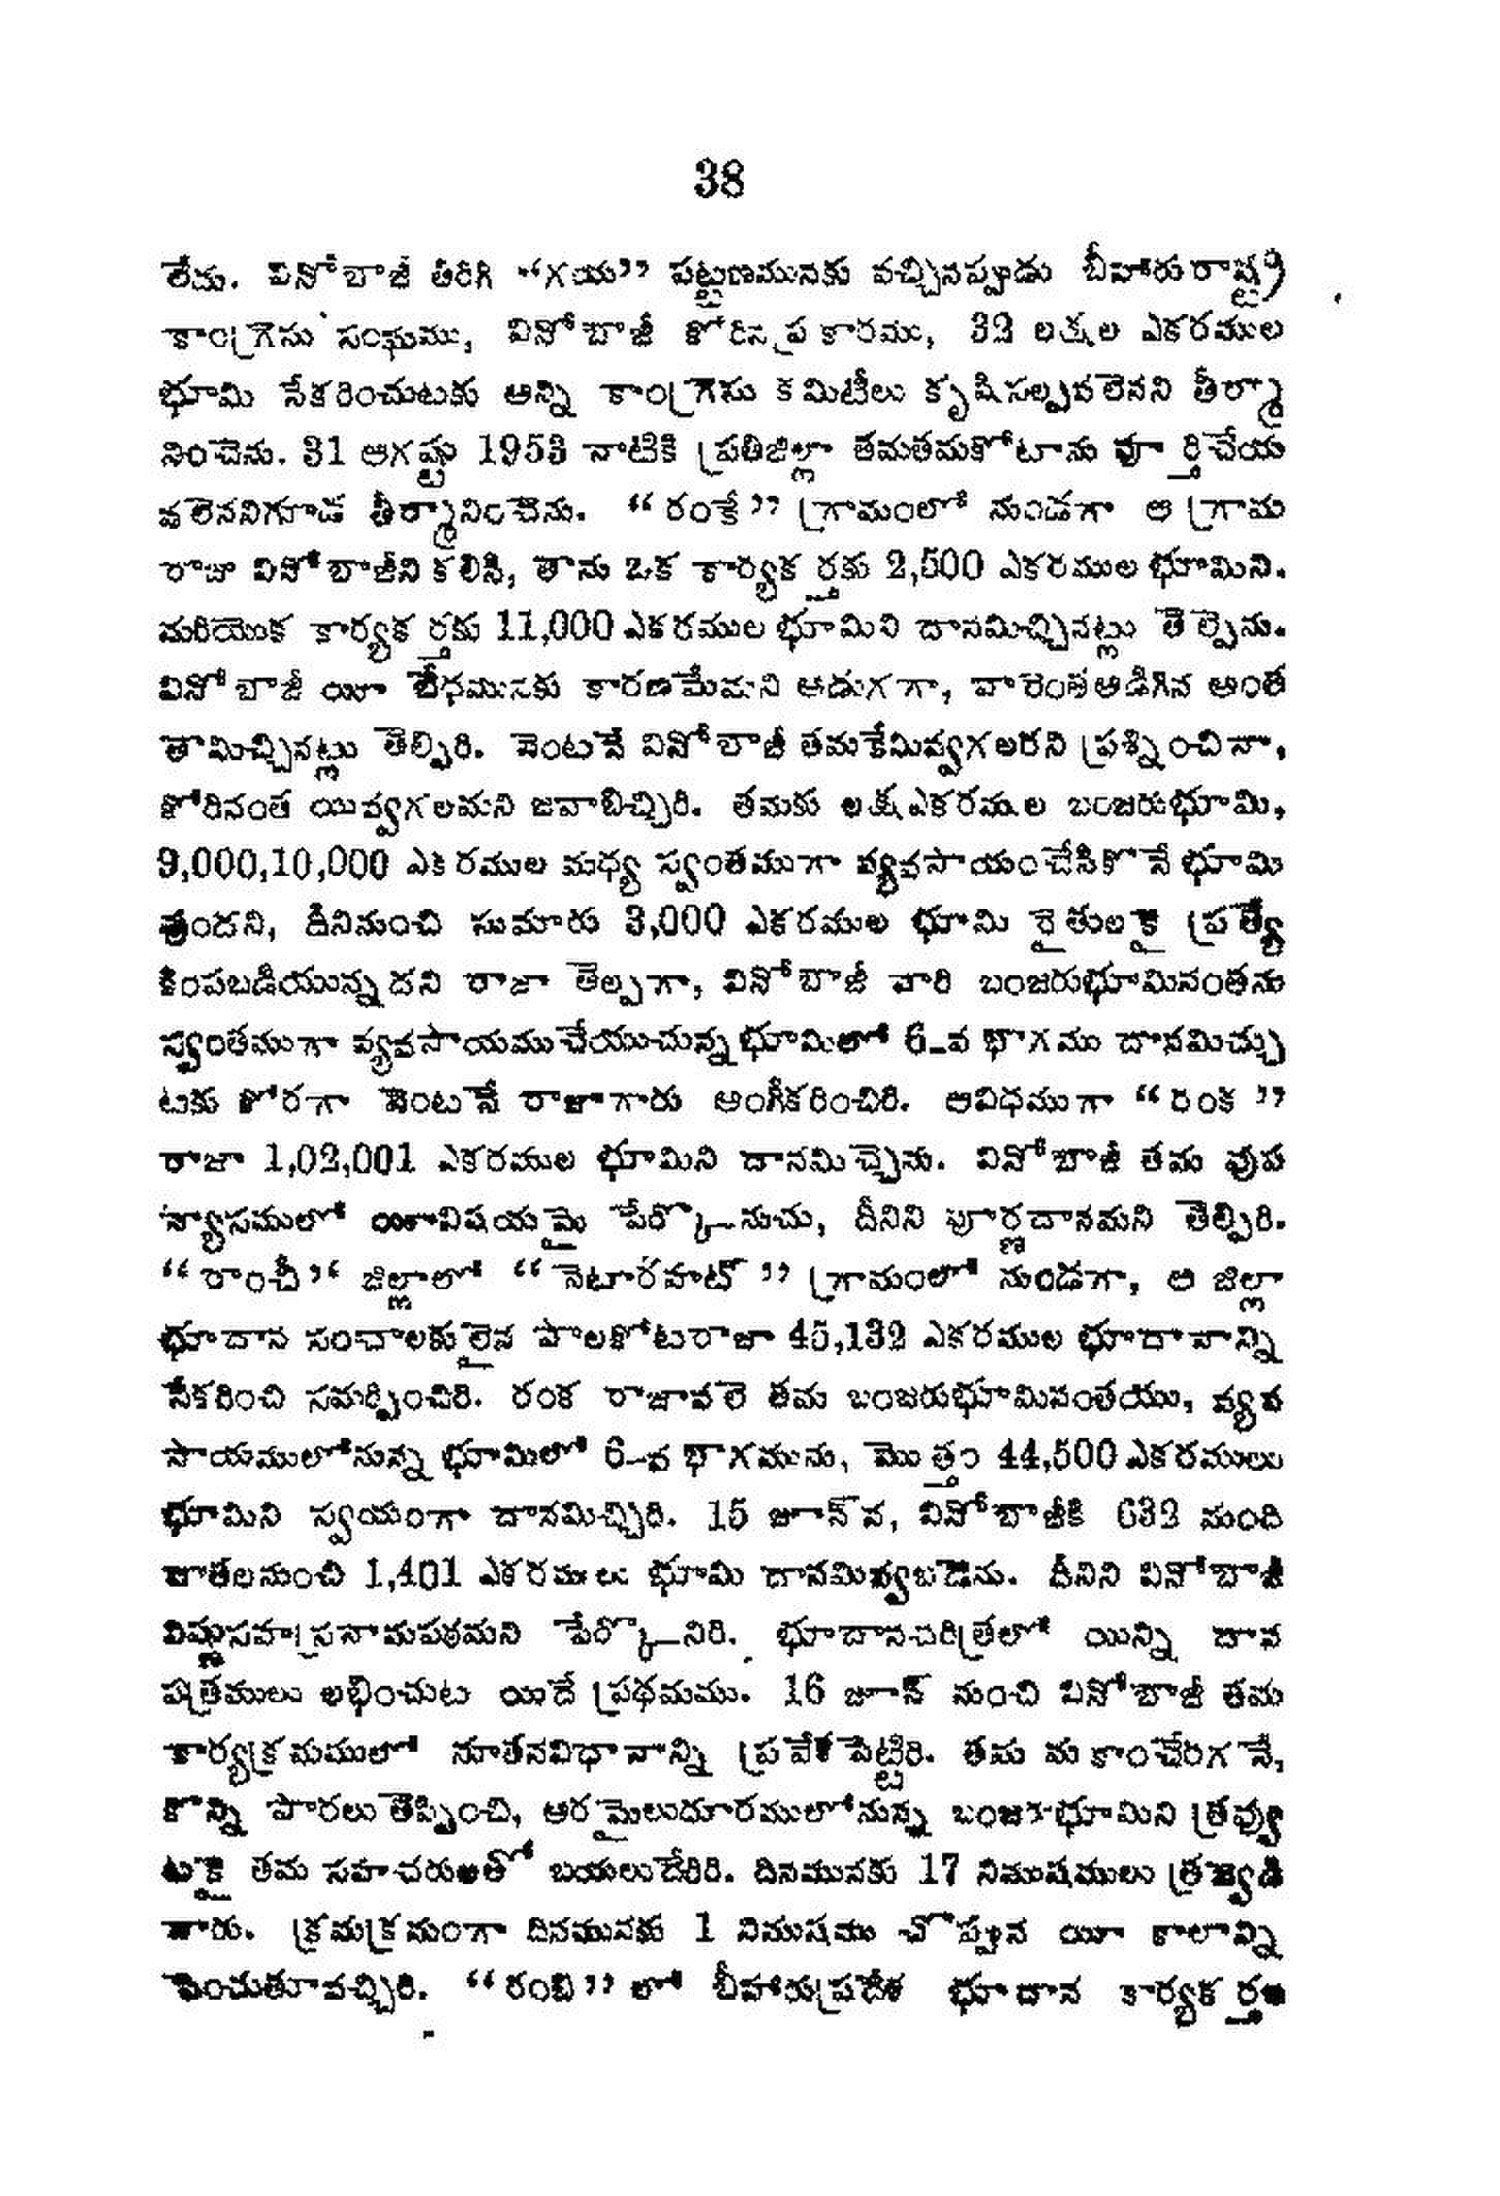లేదు. వినోబాజీ తిరిగి "గయ" పట్టణమునకు వచ్చినప్పుడు బీహారురాష్ట్ర కాంగ్రెసు సంఘము, వినోబాజీ కోరినప్రకారము, 32 లక్షల ఎకరముల భూమి సేకరించుటకు అన్ని కాంగ్రెసు కమిటీలు కృషిసల్పవలెనని తీర్మానించెను. 31 ఆగష్టు 1953 నాటికి ప్రతిజిల్లా తమతమకోటాను పూర్తిచేయవలెననిగూడ తీర్మానించాను. "రంకే" గ్రామంలో నుండగా ఆ గ్రామ రాజు వినోబాజీని కలిసి, తాను ఒక కార్యకర్తకు 2,500 ఎకరముల భూమిని, మరియొక కార్యకర్తకు 11,000 ఎకరముల భూమిని దానమిచ్చినట్లు తెల్పెను. వినోబాజీ యీ బేధమునకు కారణమేమని అడుగగా, వారెంతఅడిగిన అంత తామిచ్చినట్లు తెల్పిరి. వెంటనే వినోబాజీ తమకేమివ్వగలరని ప్రశ్నించినా, కోరినంత యివ్వగలమని జవాబిచ్చిరి. తమకు లక్షఎకరముల బంజరుభూమి, 9,000,10,000 ఎకరముల మధ్య స్వంతముగా వ్యవసాయంచేసికోనే భూమి వుందని, దీనినుంచి సుమారు 3,000 ఎకరముల భూమి రైతులకై ప్రత్యేకింపబడియున్నదని రాజా తెల్పగా, వినోబాజీ వారి బంజరుభూమినంతను స్వంతముగా వ్యవసాయము చేయుచున్న భూమిలో 6 వ భాగము దానమిచ్చుటకు కోరగా వెంటనే రాజాగారు అంగీకరించిరి. ఆవిధముగా "రంక" రాజా 1,02,001 ఎకరముల భూమిని దానమిచ్చెను. వినోబాజీ తమ వుపన్యాసములో యీవిషయమై పేర్కొనుచు, దీనిని పూర్ణదానమని తెల్పిరి. "రాంచీ" జిల్లాలో "నెటారహట్" గ్రామంలో నుండగా, ఆ జిల్లా భూదాన సంచాలకులైన పాలకోటరాజా 45,132 ఎకరముల భూదానాన్ని సేకరించి సమర్పించిరి. రంక రాజావలె తమ బంజరుభూమినంతయు, వ్యవసాయములోనున్న భూమిలో 6వ భాగమును, మొత్తం 44,500 ఎకరములు భూమిని స్వయంగా దానమిచ్చిరి. 15 జూన్‌న, వినోబాజీకి 632 సుంది దాతలనుంచి 1,401 ఎకరములు భూమి దానమియ్యబడెను. దీనిని వినోబాజీ విష్ణుసహస్రనామపఠమని పేర్కొనిరి. భూదానచరిత్రలో యిన్ని దానపత్రములు లభించుట యిదే ప్రథమము. 16 జూన్ నుంచి వినోబాజీ తమ కార్యక్రమములో నూతనవిధానాన్ని ప్రవేశపెట్టిరి. తమ మకాంచేరగనే, కొన్ని పొరలు తెప్పించి, ఆరమైలుదూరములోనున్న బంజరుభూమిని త్రవ్వుటకై తమ సహచరులతో బయలుదేరిరి. దినమునకు 17 నిముషములు త్రవ్వెడివారు. క్రమక్రమంగా దినమునకు 1 నిముషము చొప్పున యీ కాలాన్ని పెంచుతూవచ్చిరి. “రంబి" లో బీహారుప్రదేశ భూదాన కార్యకర్తల
పతనం సమపథమని పేర్కొనను దానమివ్వబడెను. దీనిని